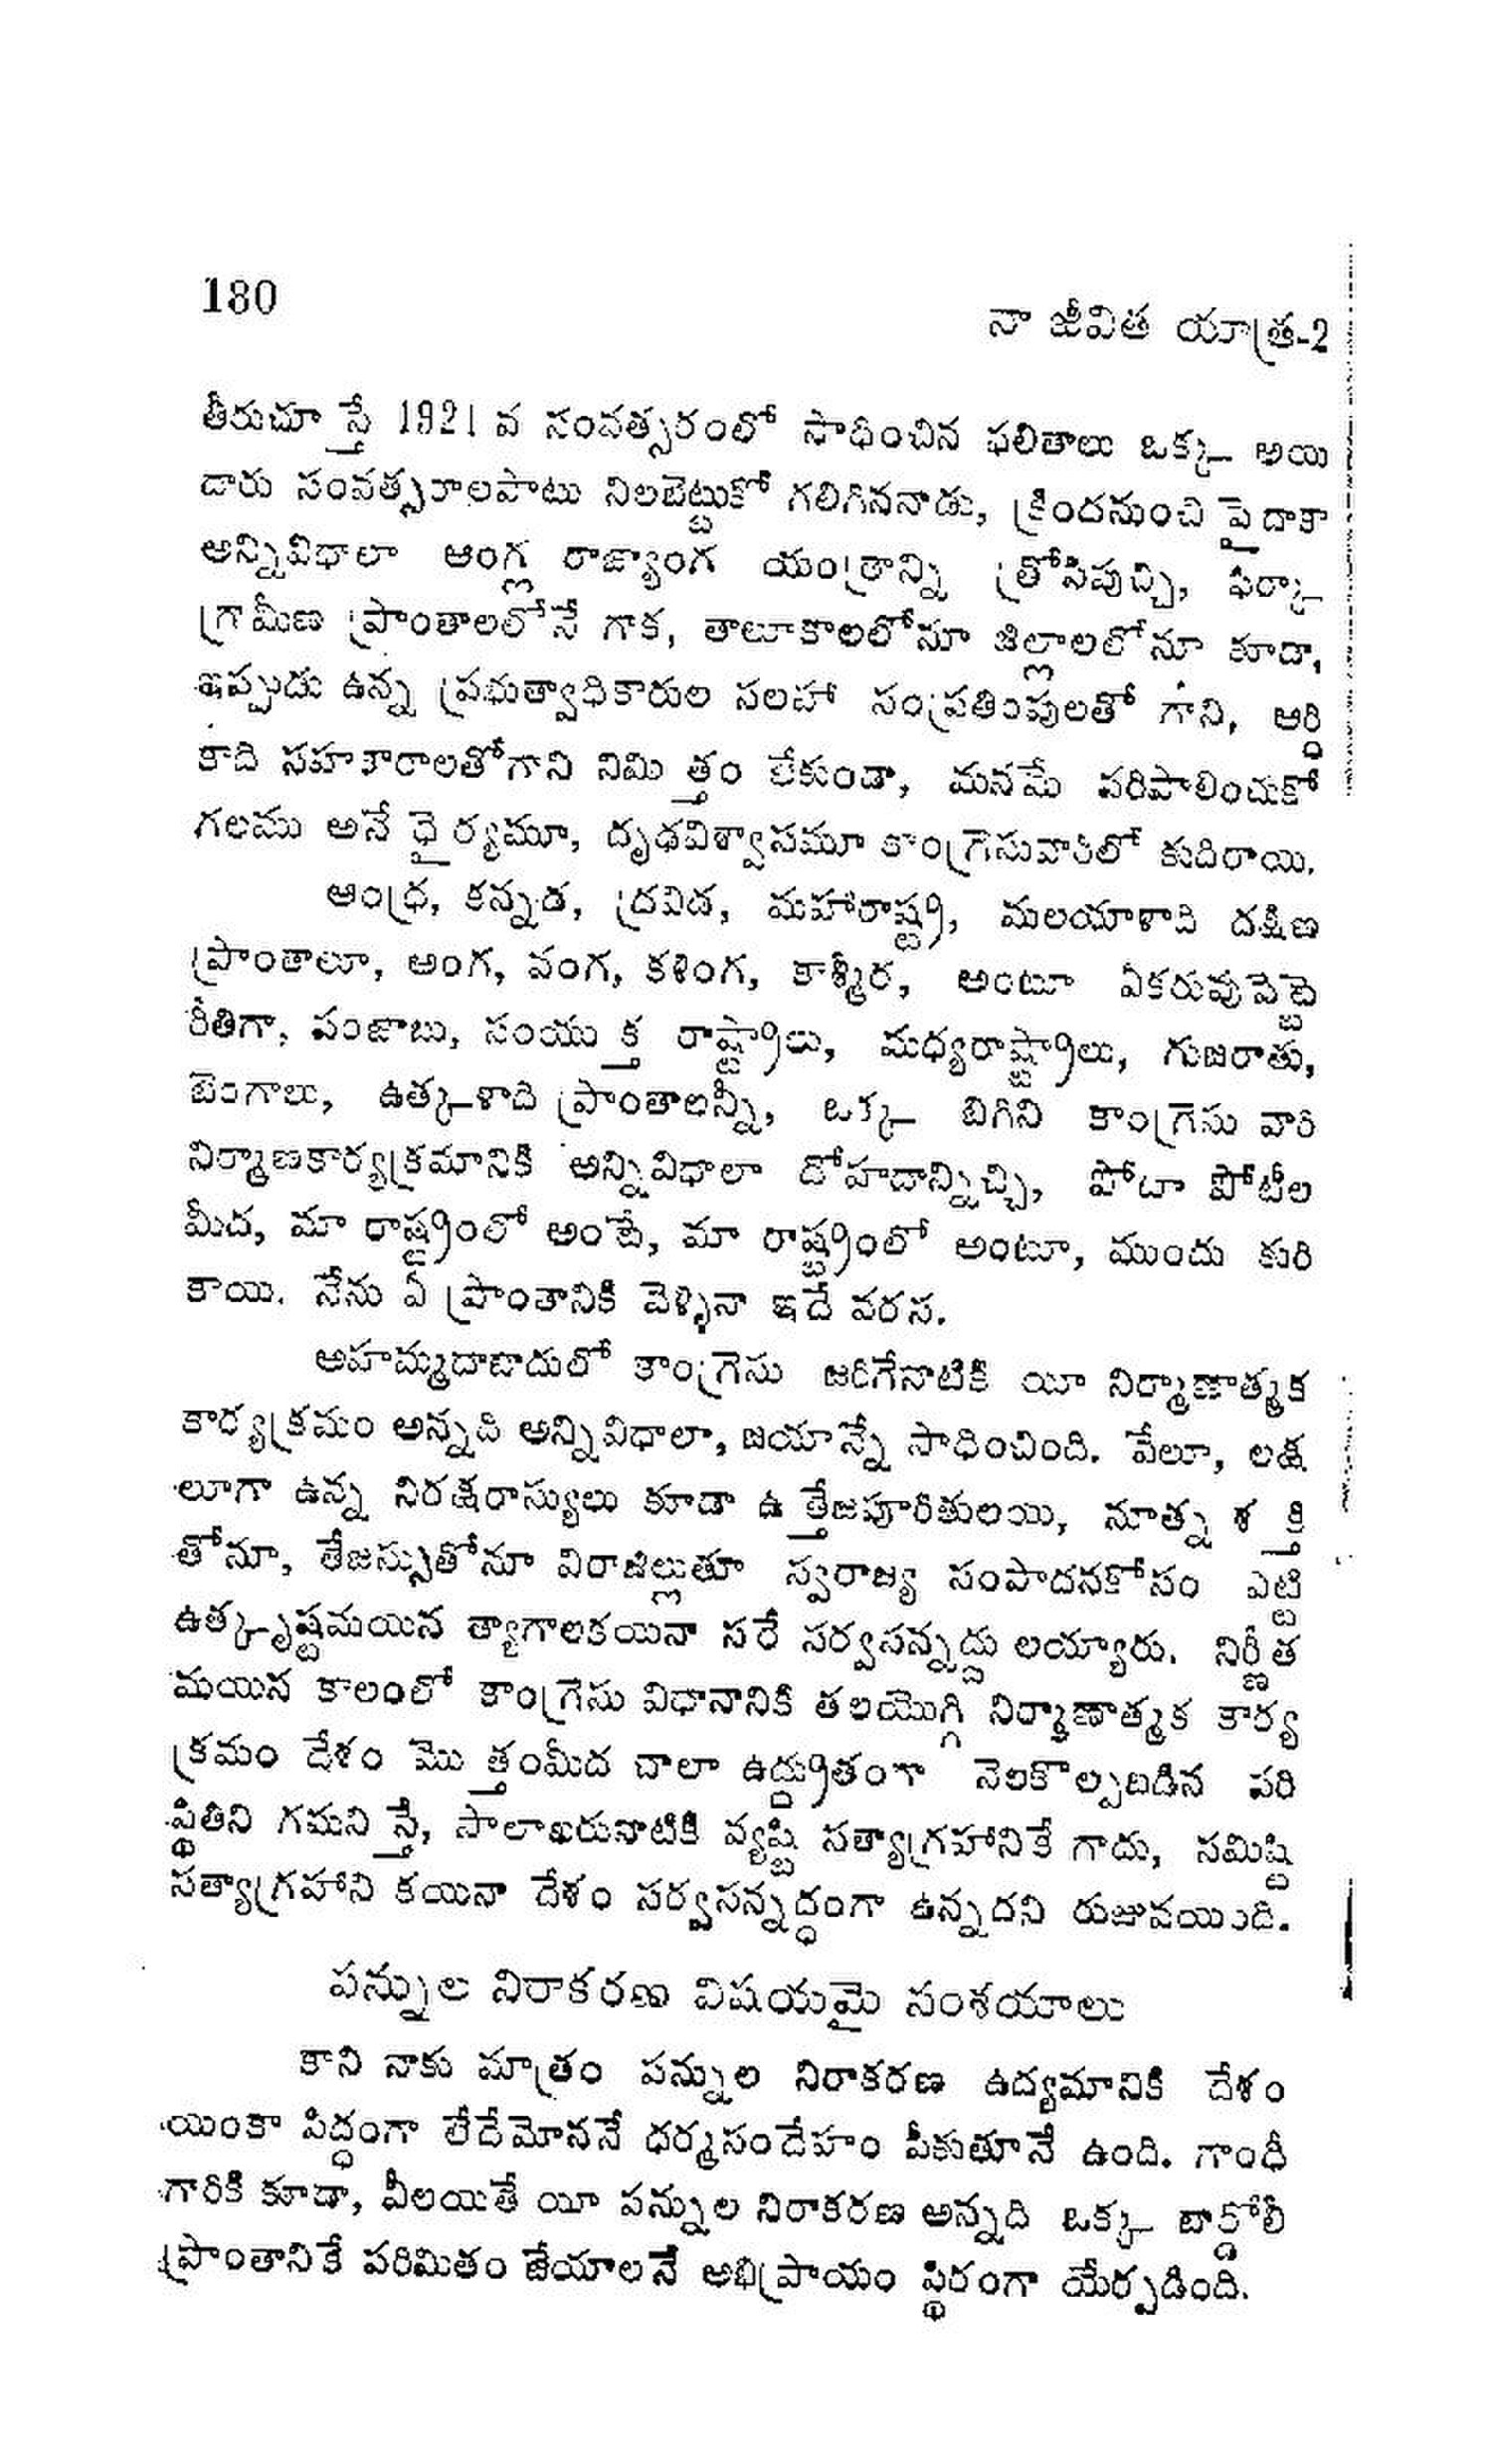తీరుచూస్తే 1921 వ సంవత్సరంలో సాధించిన ఫలితాలు ఒక్క అయిదారు సంవత్సరాలపాటు నిలబెట్టుకో గలిగిననాడు, క్రిందనుంచి పైదాకా అన్నివిధాలా ఆంగ్ల రాజ్యాంగ యంత్రాన్ని త్రోసిపుచ్చి, ఫిర్కా గ్రామీణ ప్రాంతాలలోనే గాక, తాలూకాలలోనూ జిల్లాలలోనూ కూడా, ఇప్పుడు ఉన్న ప్రభుత్వాధికారుల సలహా సంప్రతింపులతో గాని, ఆర్ధికాది సహకారాలతోగాని నిమిత్తం లేకుండా, మనమే పరిపాలించుకో గలము అనే ధైర్యమూ, దృడవిశ్వాసమూ కాంగ్రెసువారిలో కుదిరాయి.

ఆంధ్ర, కన్నడ, ద్రవిడ, మహారాష్ట్ర, మలయాళాది దక్షిణ ప్రాంతాలూ, అంగ, వంగ, కళింగ, కాశ్మీర, అంటూ ఏకరువుపెట్టె రీతిగా, పంజాబు, సంయుక్త రాష్ట్రాలు, మధ్యరాష్ట్రాలు, గుజరాతు, బెంగాలు, ఉత్కళాది ప్రాంతాలన్నీ, ఒక్క బిగిని కాంగ్రెసు వారి నిర్మాణకార్యక్రమానికి అన్ని విధాలా దోహదాన్నిచ్చి, పోటా పోటీల మీద, మా రాష్ట్రంలో అంటే, మా రాష్ట్రంలో అంటూ, ముందు కురికాయి. నేను ఏ ప్రాంతానికి వెళ్ళినా ఇదే వరస.

అహమ్మదాబాదులో కాంగ్రెసు జరిగే నాటికి యీ నిర్మాణాత్మక కార్యక్రమం అన్నది అన్నివిధాలా, జయాన్నే సాధించింది. వేలూ, లక్షలూగా ఉన్న నిరక్షరాస్యులు కూడా ఉత్తేజపూరితులయి, నూత్న శక్తితోనూ, తేజస్సుతోనూ విరాజిల్లుతూ స్వరాజ్య సంపాదనకోసం ఎట్టి ఉత్కృష్టమయిన త్యాగాలకయినా సరే సర్వసన్నద్దు లయ్యారు. నిర్ణీతమయిన కాలంలో కాంగ్రెసు విధానానికి తలయొగ్గి నిర్మాణాత్మక కార్యక్రమం దేశం మొత్తంమీద చాల ఉద్దృతంగా నెలకొల్పబడిన పరిస్థితిని గమనిస్తే, సాలాఖరునాటికి వ్యష్టి సత్యాగ్రహానికే గాదు, సమిష్టి సత్యాగ్రహాని కయినా దేశం సర్వసన్నద్ధంగా ఉన్నదని రుజువయింది.

కాని నాకు మాత్రం పన్నుల నిరాకరణ ఉద్యమానికి దేశం యింకా సిద్ధంగా లేదేమోననే ధర్మసందేహం పీకుతూనే ఉంది. గాంధీ గారికి కూడా, వీలయితే యీ పన్నుల నిరాకరణ అన్నది ఒక్క బార్డోలీ ప్రాంతానికే పరిమితం జేయాలనే అభిప్రాయం స్థిరంగా యేర్పడింది.